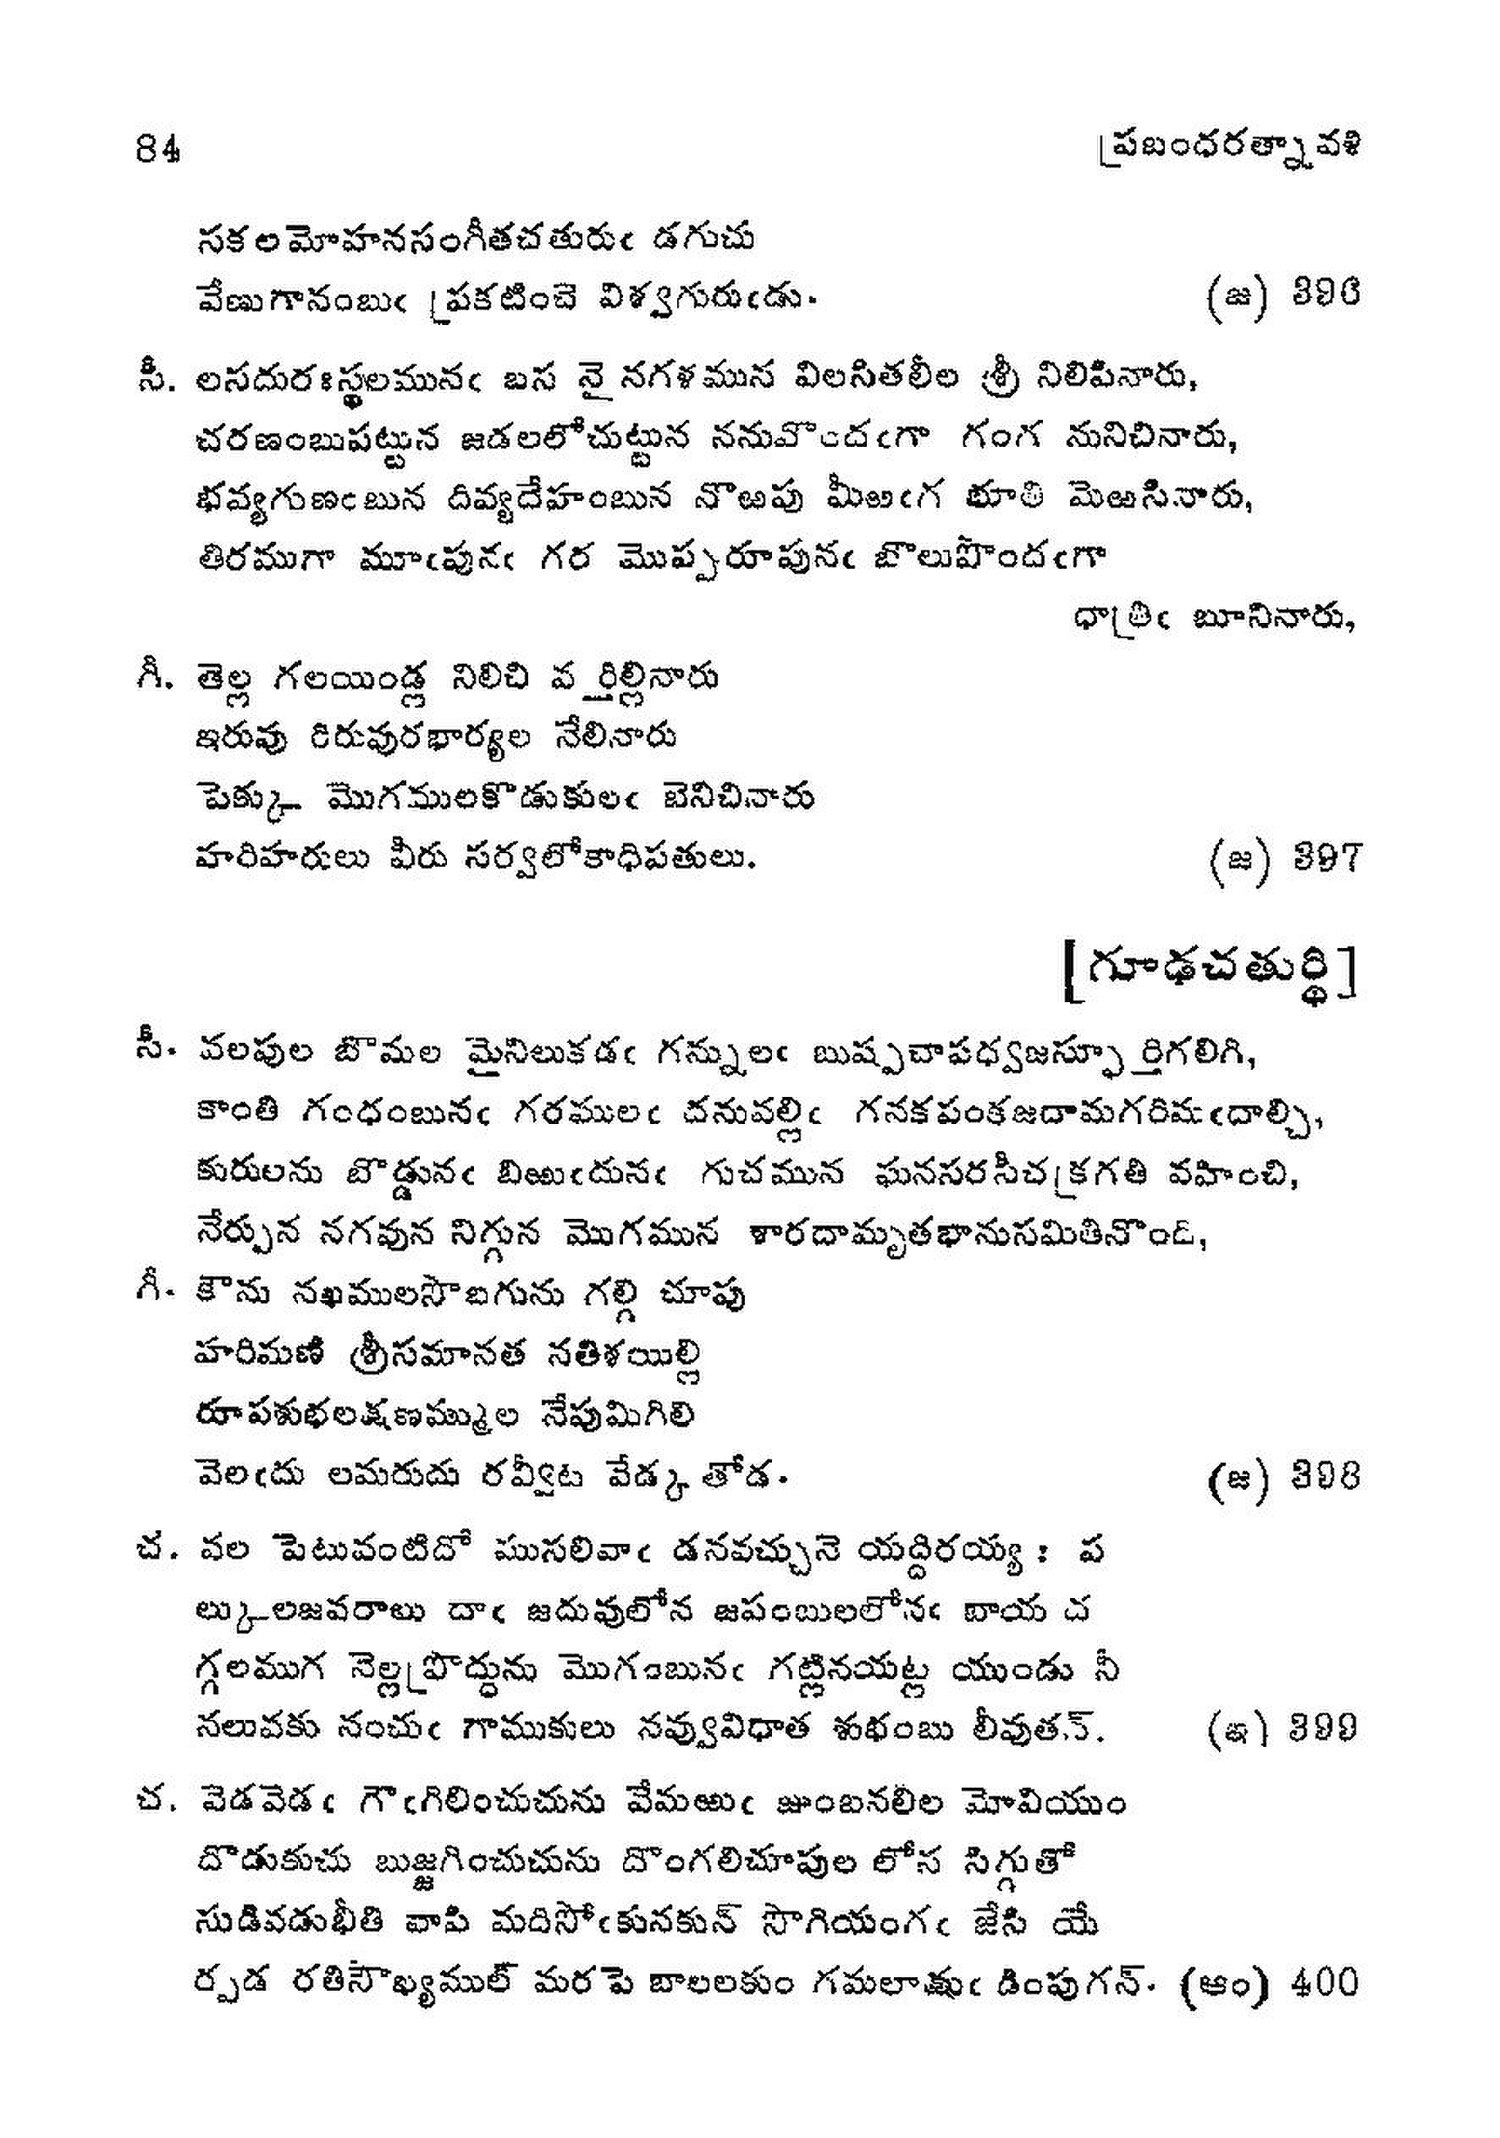సకలమోహన సంగీతచతురుఁడగుచు
వేణుగానంబుఁ బ్రకటించె విశ్వగురుఁడు. (జ) 396

సీ. లసదురఃస్థలంబునఁ బసనైన గళమున విలసిత లీల శ్రీ నిలిపినారు,
చరణంబుపట్టున జడలలో చుట్టున ననువొందఁగా గంగ నునిచినారు,
భవ్యగుణంబున దివ్యదేహంబున నొఱపు మీఱఁగ భూతి మెఱసినారు,
తిరముగా మూఁపునఁ గరమొప్పురూపునఁ బొలుపొందఁగా ధాత్రిఁ బూనినారు,
తే. తెల్ల గల యిండ్ల నిలిచి వర్తిల్లినారు
ఇరువు రిరువుర భార్యల నేలినారు
పెక్కు మొగములకొడుకులఁ బెనిచినారు
హరిహరులు వీరు సర్వలోకాధిపతులు. (జ) 397

సీ. వలపుల బొమల మై నిలుకడఁ గన్నులఁ బుష్పచాపధ్వజ స్ఫూర్తిగలిగి,
కాంతి గంధంబునఁ గరములఁ దనువల్లిఁ గనకపంచమదామ గరిమఁదాల్చి,
కురులను బొడ్డునఁ బిఱుఁదునఁ గుచమున ఘనసరసీచక్రగతి వహించి,
నేర్పున నగవున నిగ్గున మొగమున శారదామృతభాను సమితినొంది,
గీ. కౌను నఖములసొబగును గల్గి చూపు
హరిమణి శ్రీసమానత నతిశయిల్లి
రూపశుభలక్షణముల నేపుమిగిలి
వెలఁదు లమరుదు రవ్వీట వేడ్కతోడ. (జ) 398

చ. వలపెటువంటిదో ముసలివాఁడనవచ్చునె? యద్దిరయ్య! ప
ల్కుల జవరాలు దాఁ జదువులోన జపంబులలోనఁ బాయ ద
గ్గలముగ నెల్ల ప్రొద్దును మొగంబునఁ గట్టినయట్ల యుంటు నీ
నలువకు నంచుఁ గాముకులు నవ్వువిధాత శుభంబు లీవుతన్. (ఇ) 399

చ. వెడవెడఁ గౌఁగిలించుచును వేమఱుఁ జుంబనలీల మోవియుం
దొడుకుచు బుజ్జగించుచును దొంగలిచూపుల లోన సిగ్గుతో
సుడివడు భీతి వాపి మదిసోఁకునకున్ సొగియంగఁజేసి యే
ర్పడ రతిసౌఖ్యముల్ మరపె బాలలకుం గమలాక్షుఁడింపుగన్. (ఆం) 400